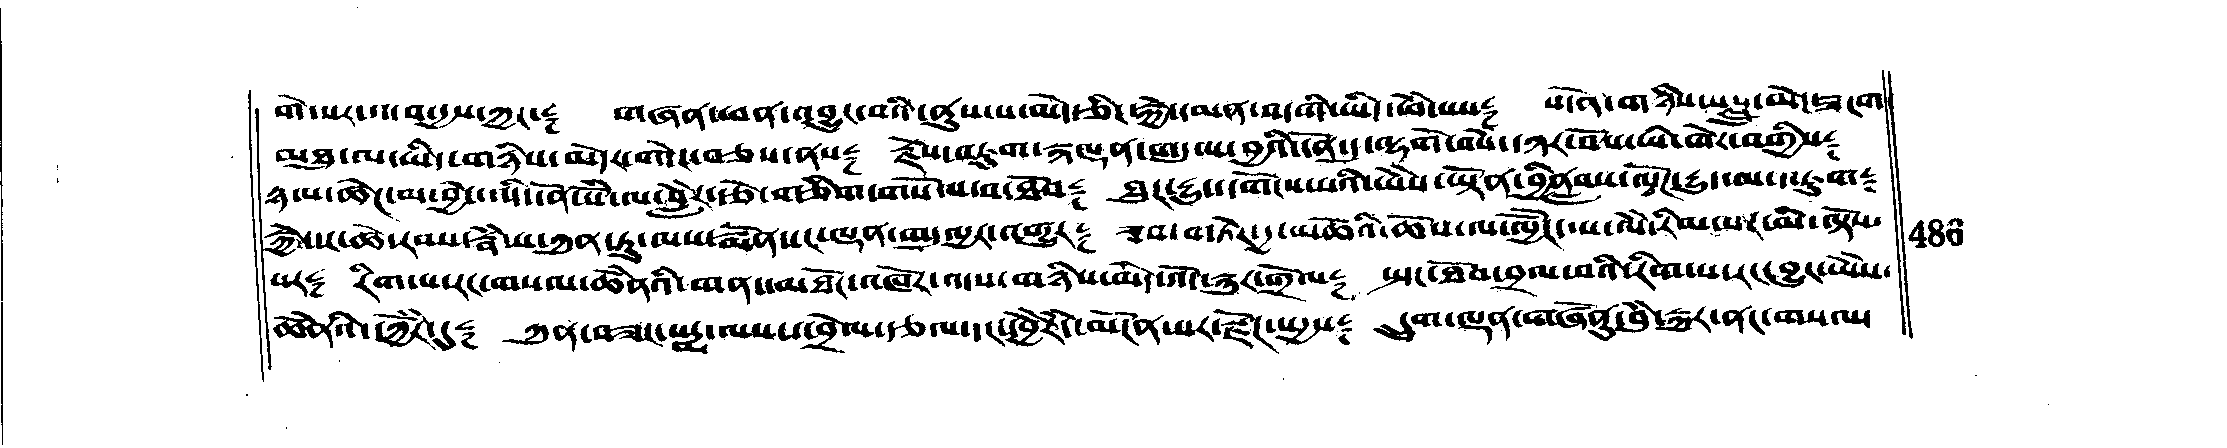གེ་སར་འདབ་རྒྱས་ཀྱང་། །གཞན་ཕན་འབྱུང་བའི་ནུས་པ་མེད་ཅིང་སྐྱེ་དམན་བདག་གི་ཡིད་ཕམ་པས། །བདེན་གཉིས་བསླུ་མེད་ཟུང་འཇུག་
མཐུ་ལ་ཡིད་གཉིས་མེད་པར་གདེང་བཅས་ནས། །རྗེས་འཇུག་སྐལ་ལྡན་གདུལ་བྱའི་དོན་དུ་ལྷག་བསམ་དཀར་པོས་ཡི་གེར་བགྱིས། །
ཉལ་ཚེགས་མ་བྱེད་འདི་དོན་སོམ་ལ་བློ་ངོར་རྩེ་གཅིག་གསོལ་བ་ཐོབས། །ཐུགས་རྒྱུད་དགོངས་པའི་ཡེ་ཤེས་ཡོན་ཏན་བྱིན་རླབས་ལ་སོགས་རྒྱུད་ལ་འཇུག །
སྐྱེ་དང་ཚེ་རབས་རྣམ་པ་ཀུན་ཏུ་ལས་སྨོན་དང་ལྡན་གདུལ་བྱར་འགྱུར། །ཟབ་གཏེར་རྒྱ་མཚོའི་ཆོས་ལ་ལོངས་སྤྱོད་ས་ལམ་རིམ་པར་མི་ལྟོས་
པར། །རིག་པ་རང་གསལ་ཆེན་པོའི་གནད་མཐོང་འཁོར་འདས་གཉིས་མེད་འོད་སྐུར་གྲོལ། །སྤང་ཐོབ་བྲལ་བའི་རིག་པ་རང་བྱུང་ཡེ་ཤེས་
ཆེན་པོའི་དཀྱིལ་འཁོར་དུ། །ཀུན་བཟང་པདྨ་ལས་འབྲེལ་རྩལ་དང་དབྱེར་མེད་མངོན་པར་རྫོགས་སངས་རྒྱས། །དྲུག་ལྡན་གཞོན་ནུ་བུམ་སྐུར་ནང་གསལ་